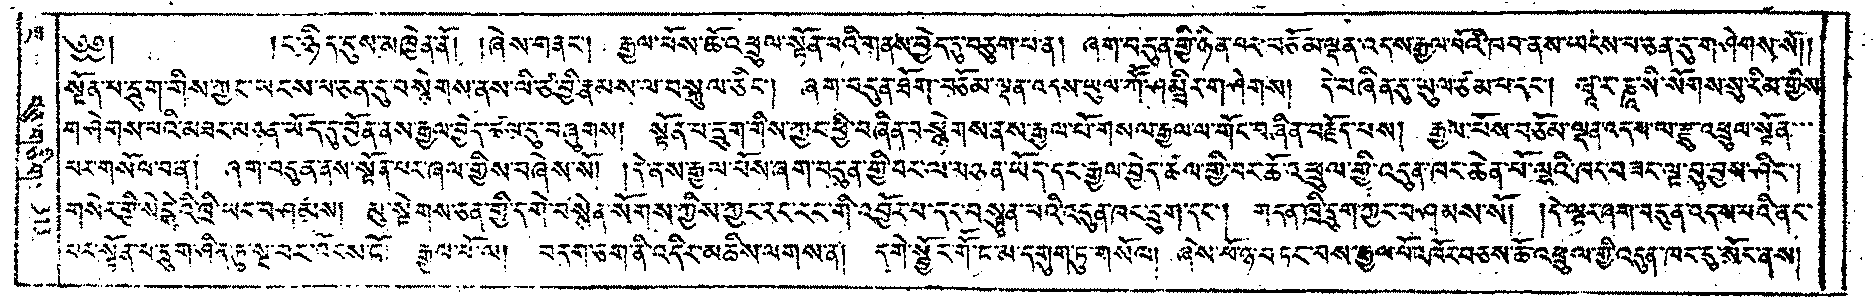༄༅། །ང་ཉིད་དུས་མཁྱེན་ནོ། །ཞེས་གནང་། རྒྱལ་པོས་ཆོ་འཕྲུལ་སྟོན་པའི་གནས་བྱེད་དུ་བཅུག་པ་ན། ཞག་བདུན་གྱི་ཉིན་པར་བཅོམ་ལྡན་འདས་རྒྱལ་པོའི་ཁབ་ནས་ཡངས་པ་ཅན་དུ་གཤེགས་སོ། །
སྟོན་པ་དྲུག་གིས་ཀྱང་ཡངས་པ་ཅན་དུ་བསྙེགས་ནས་ལི་ཙ་བྱི་རྣམས་ལ་བསྐུལ་ཅིང་། ཞག་བདུན་ཐོག་བཅོམ་ལྡན་འདས་ཡུལ་ཀཽ་ཤམྦིར་གཤེགས། དེ་བཞིན་དུ་ཡུལ་ཙམ་པ་དང་། ཝཱ་ར་ཎཱ་སི་སོགས་སུ་རིམ་གྱིས་
གཤེགས་པའི་མཐར་མཉན་ཡོད་དུ་བྱོན་ནས་རྒྱལ་བྱེད་ཚལ་དུ་བཞུགས། སྟོན་པ་དྲུག་གིས་ཀྱང་ཕྱི་བཞིན་བསྙེགས་ནས་རྒྱལ་པོ་གསལ་རྒྱལ་ལ་གོང་བཞིན་བརྗོད་པས། རྒྱལ་པོས་བཅོམ་ལྡན་འདས་ལ་རྫུ་འཕྲུལ་སྟོན་
པར་གསོལ་བ་ན། ཞག་བདུན་ནས་སྟོན་པར་ཞལ་གྱིས་བཞེས་སོ། །དེ་ནས་རྒྱལ་པོས་ཞག་བདུན་གྱི་བར་ལ་མཉན་ཡོད་དང་རྒྱལ་བྱེད་ཚལ་གྱི་བར་ཆོ་འཕྲུལ་གྱི་འདུན་ཁང་ཆེན་པོ་ལྷའི་ཁང་བཟང་ལྟ་བུ་བྱས་ཤིང་།
གསེར་གྱི་སེངྒེའི་ཁྲི་ཡང་བཤམས། མུ་སྟེགས་ཅན་གྱི་དགེ་བསྙེན་སོགས་ཀྱིས་ཀྱང་རང་རང་གི་འབྱོར་པ་དང་བསྟུན་པའི་འདུན་ཁང་དྲུག་དང་། གདན་ཁྲི་དྲུག་ཀྱང་བཤམས་སོ། །དེ་ལྟར་ཞག་བདུན་འདས་པའི་ནང་
པར་སྟོན་པ་དྲུག་ཤིན་ཏུ་སྔ་བར་འོངས་ཏོ། རྒྱལ་པོ་ལ། བདག་ཅག་ནི་འདིར་མཆིས་ལགས་ན། དགེ་སྦྱོང་གཽ་ཏ་མ་དགུག་ཏུ་གསོལ། ཞེས་ཕོ་ཉ་བཏང་བས་རྒྱལ་པོ་འཁོར་བཅས་ཆོ་འཕྲུལ་གྱི་འདུན་ཁང་དུ་སོང་ནས།